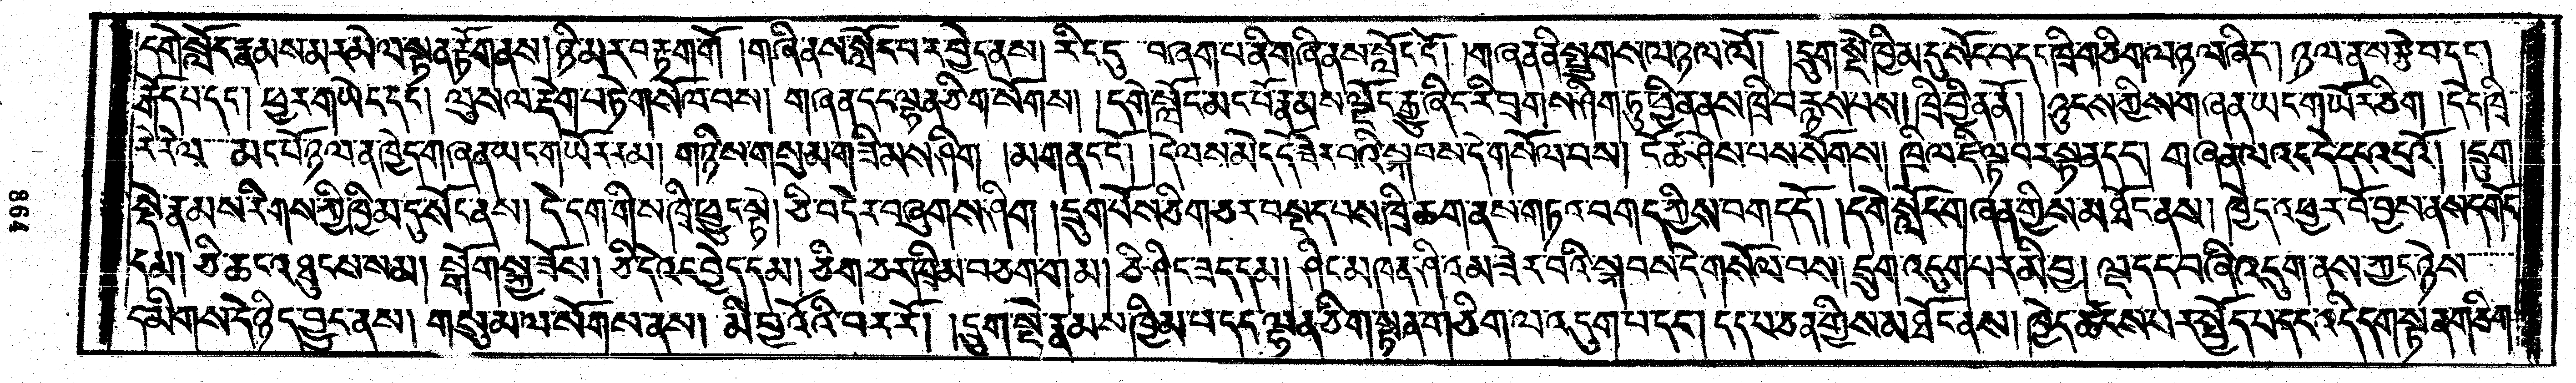དགེ་སློང་རྣམས་མར་མེ་ལ་སྟན་རྟོག་ནས། ཉི་མར་བརྟག་གོ །གཞི་ནས་སློང་བར་བྱེད་ནས། རིང་དུ་བཞག་པ་ནི་གཞི་ནས་སློང་ངོ། །གཞན་ནི་སྤྲུགས་ལ་ཉལ་ལོ། །དྲུག་སྡེ་ཁྱིམ་དུ་སོང་བ་དང་ཁྲི་གཅིག་ལ་ཉལ་ཞིང་། ཉལ་ནས་རྩེ་བ་དང་།
རྒོད་པ་དང་། ཕྱར་གཡེང་དང་། ལུས་ལ་རྡེག་པ་ཏེ་གསོལ་བས། གཞན་དང་ལྷན་ཅིག་སོགས། །དགེ་སློང་མང་པོ་རྣམས་ལྡོད་རྒྱུ་ཞིང་རི་བྲགས་ཤིག་ཏུ་ཕྱིན་ནས་ཁྲི་བརྙས་པས། ཁྲི་བྱིན་ནོ། །ཉུངས་ཀྱིས་གཞན་ཡང་གཡོར་ཅིག །དེང་ཁྲི་
རེ་རེལ་མང་པོ་ཉལ་ན་ཁྱེད་གཞན་ཡང་གཡོར་རམ། གཉིས་གསུམ་གཟིམས་ཤིག །མ་གནང་ངོ། །དེ་ལས་མེད་དོ་ཟེར་བའི་སྐབས་དེ་གསོལ་བས། ངོ་ཚ་ཤེས་པས་སོགས། ཁྲིལ་ཇི་ལྟར་བར་སྟན་དང་། གཞན་ལའང་དེ་དང་འདྲའོ། །དྲུག་
སྡེ་རྣམས་རིགས་ཀྱི་ཁྱིམ་དུ་སོང་ནས། དེ་དག་གིས་ཁྲི་ཕྱུང་སྟེ། ཅི་བདེར་བཞུགས་ཤིག །དྲུག་པོས་ཅིག་ཅར་བསྡད་པས་ཁྲི་ཆག་ནས་གཏའ་བགད་ཀྱིས་བགད་དོ། །དགེ་སློང་གཞན་གྱིས་མཐོང་ནས། ཁྱེད་འཕྱར་བོ་བྱས་ནས་དགོང་
དམ། ཅི་ཆང་འཐུངས་སམ། སྒོག་སྐྱ་ཟོས། ཅི་དེའང་བྱེད་དམ། ཅིག་ཅར་ཁྲིམ་བཅག་གམ། ཅི་ཤིང་ཟད་དམ། ཤིང་མཁན་ཤི་འམ་ཟེར་བའི་སྐབས་དེ་གསོལ་བས། དྲུག་འདུག་པར་མི་བྱ། ལྔ་དང་བཞི་འདུག་ནས་ཀྱང་ཉེས་
དམིགས་དེ་ཉིད་བྱུང་ནས། གསུམ་ལ་སོགས་ནས། མི་བྱའོའི་བར་རོ། །དྲུག་སྡེ་རྣམས་ཁྱིམ་པ་དང་ལྷན་ཅིག་སྟན་གཅིག་ལ་འདུག་པ་དང་། དད་པ་ཅན་གྱིས་མཐོང་ནས། ཁྱེད་ཚངས་པར་སྤྱོད་པ་དང་འདི་དག་སྟན་གཅིག་